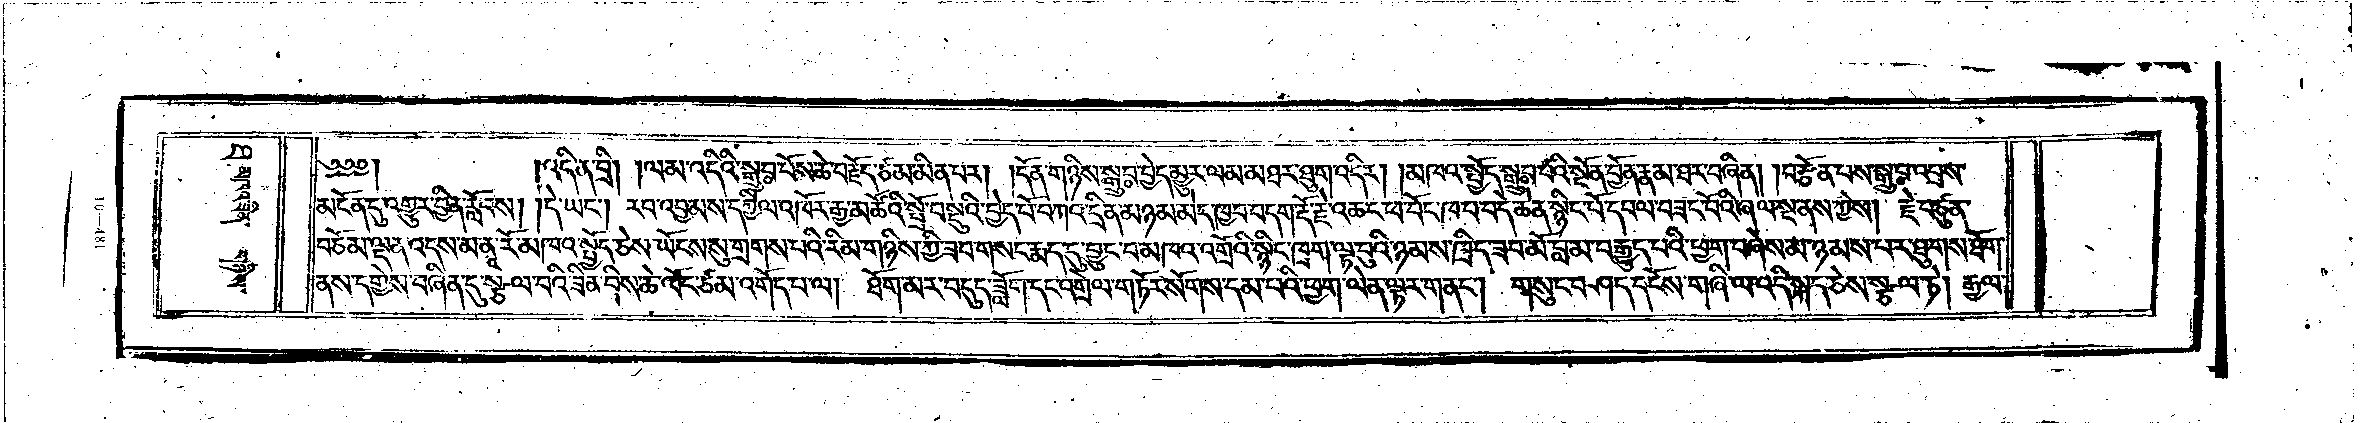༄༅༅། །འདི་ན་བྲི། །ལམ་འདིའི་སྒྲུབ྾་པོས་ཆེ་བརྗོད་ཙམ་མིན་པར། །དོན་གཉིས་སྒྲུབ྾་བྱེད་མྱུར་ལམ་མཐར་ཐུག་འདིར། །མཁའ་སྤྱོད་སྒྲུབ྾་པའི་སྔོན་བྱོན་རྣམ་ཐར་བཞིན། །བརྩོན་པས་སྒྲུབ྾་འབྲས་
མངོན་དུ་འགྱུར་བྱིན་རློབས། །དེ་ཡང་། རབ་འབྱམས་དཀྱིལ་འཁོར་རྒྱ་མཚོའི་སྤྲོ་བསྡུའི་བྱེད་པོ་བཀའ་དྲིན་མཉམ་མེད་ཁྱབ་བདག་རྡོ་རྗེ་འཆང་ཕ་བོང་ཁ་པ་བདེ་ཆེན་སྙིང་པོ་དཔལ་བཟང་པོའི་ཞལ་སྔ་ནས་ཀྱིས། རྗེ་བཙུན་
བཅོམ་ལྡན་འདས་མ་ནཱ་རོ་མཁའ་སྤྱོད་ཅེས་ཡོངས་སུ་གྲགས་པའི་རིམ་གཉིས་ཀྱི་ཟབ་གསང་རྨད་དུ་བྱུང་བ་མཁའ་འགྲོའི་སྙིང་ཁྲག་ལྟ་བུའི་ཉམས་ཁྲིད་ཟབ་མོ་བླ་མ་བརྒྱུད་པའི་ཕྱག་བཞེས་མ་ཉམས་པར་ཐུགས་ཐོག་
ནས་དགྱེས་བཞིན་དུ་སྩལ་བའི་ཟིན་བྲིས་ཆེ་ལོང་ཙམ་འགོད་པ་ལ། ཐོག་མར་བདུད་ཟློག་དང་འགྲེལ་གཏོར་སོགས་དམ་པའི་ཕྱག་ལེན་ལྟར་གནང་། གསུང་བཤད་དངོས་གཞི་ལ་འདི་སྐད་ཅེས་སྩལ་ཏེ། རྒྱལ་